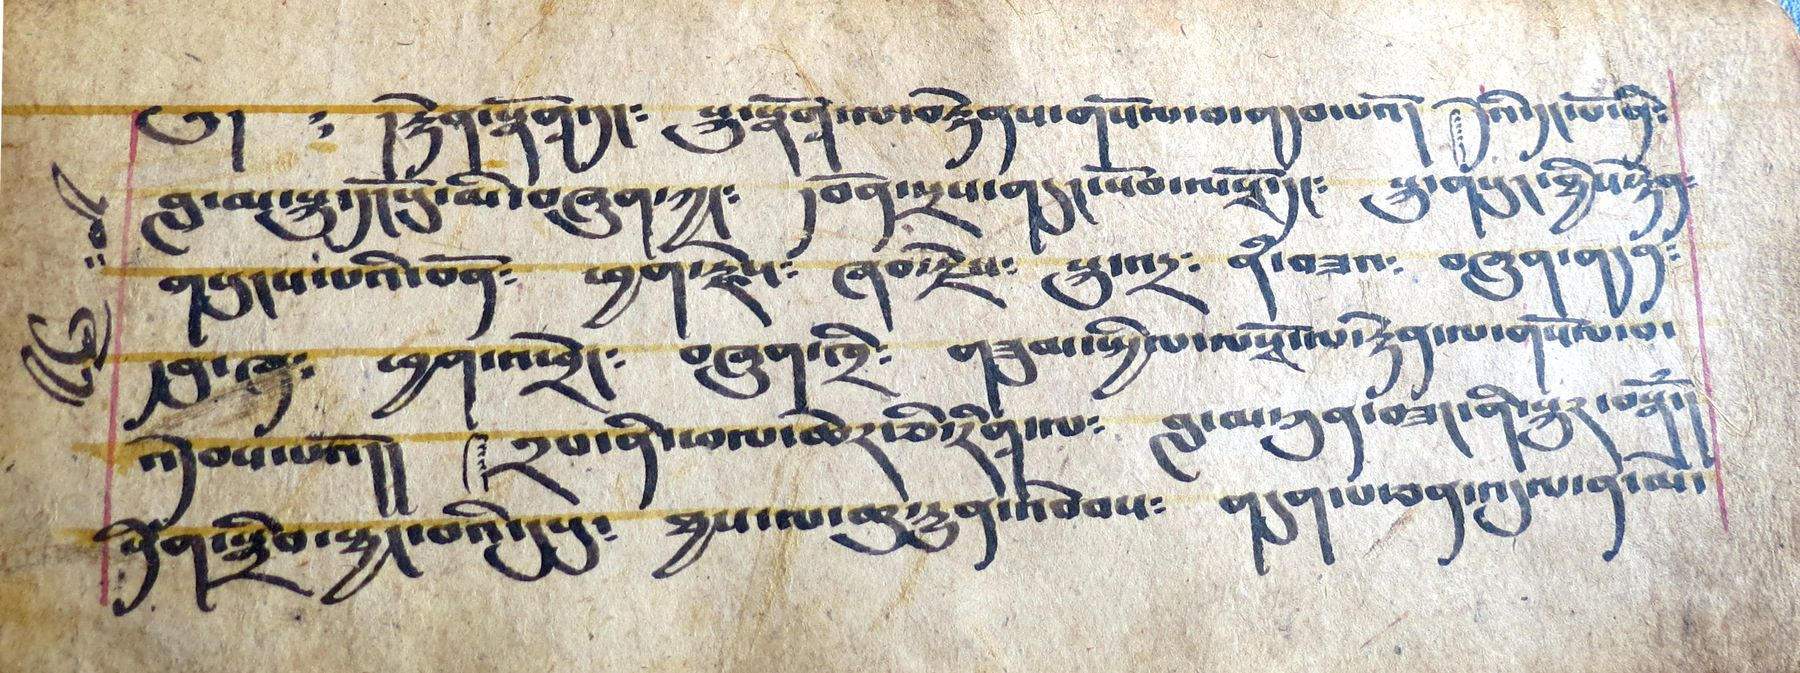རྟེན་སྣ་ཚོགས་དང་། སྐུ་སྣ་ཚོགས་ལ་བརྟེན་ནས་གསོལ་བ་གདབ་པའོ། ། དེའི་དང་པོ་ལ་
བླ་མ་སྐུ་དངོས་སུ་མི་བཞུགས་ཀྱང་། དཔོན་གསས་གདུང་སོབ་ལ་སོགས་དང་། སྐུ་གསུང་ཐུགས་ཀྱི་རྟེན། 
གསུངས་པའི་བོན། ཕྱག་རྗེས། ཞབས་རྗེས། སྐུ་འདྲ། ན་བཟའ། བཞུགས་གདན། 
དབུ་ཞྭ། ཕྱག་འཕྲེང་། བཞུགས་ཁྲི། གཟིམས་སྐྱིལ་ལ་སོགས་ལ་བརྟེན་ནས་གསོལ་བ་
འདེབས་པའོ། ། གཉིས་པ་ནི་ཕལ་ཆེར་ཅི་རིགས་ལ། བླ་མ་ཀུན་བཟང་གི་སྐུར་བསྒོམ། 
སྡིག་སྒྲིབ་སྦྱོང་བའི་དུས་སུ་ཐུགས་ལས་ཆུ་རྒྱུན་འབེབས། གདུག་པ་ཅན་འདུལ་ན་མེ་